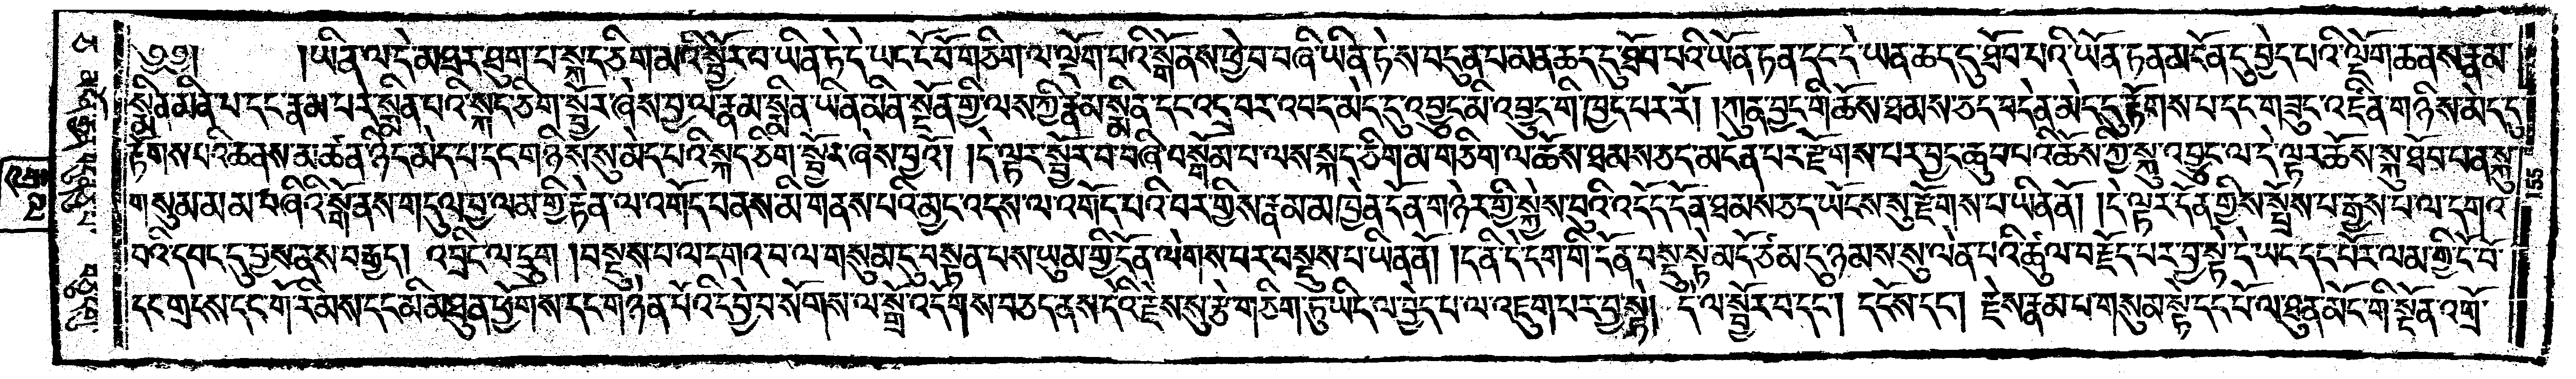༄༅། །ཡིན་ལ་དེ་མཐར་ཐུག་པ་སྐད་ཅིག་མའི་སྦྱོར་བ་ཡིན་ཏེ་དེ་ཡང་ངོ་བོ་གཅིག་ལ་ལྡོག་པའི་སྒོ་ནས་ཕྱེ་བ་བཞི་ཡིན་ཏེ་ས་བདུན་པ་མན་ཆད་དུ་ཐོབ་པའི་ཡོན་ཏན་དང་དེ་ཡན་ཆད་དུ་ཐོབ་པའི་ཡོན་ཏན་མངོན་དུ་བྱེད་པའི་ལྡོག་ཆ་ནས་རྣམ་
སྨིན་མིན་པ་དང་རྣམ་པར་སྨིན་པའི་སྐད་ཅིག་སྦྱོར་ཞེས་བྱ་ལ་རྣམ་སྨིན་ཡིན་མིན་སྔོན་གྱི་ལས་ཀྱི་རྣམ་སྨིན་དང་འདྲ་བར་འབད་མེད་དུ་འབྱུང་མི་འབྱུང་གི་ཁྱད་པར་རོ། །ཀུན་བྱང་གི་ཆོས་ཐམས་ཅད་བདེན་མེད་དུ་རྟོགས་པ་དང་གཟུང་འཛིན་གཉིས་མེད་དུ་
རྟོགས་པའི་ཆ་ནས་མཚན་ཉིད་མེད་པ་དང་གཉིས་སུ་མེད་པའི་སྐད་ཅིག་སྦྱོར་ཞེས་བྱའོ། །དེ་ལྟར་སྦྱོར་བ་བཞི་བསྒོམ་པ་ལས་སྐད་ཅིག་མ་གཅིག་ལ་ཆོས་ཐམས་ཅད་མངོན་པར་རྫོགས་པར་བྱང་ཆུབ་པའི་ཆོས་ཀྱི་སྐུ་འབྱུང་ལ་དེ་ལྟར་ཆོས་སྐུ་ཐོབ་པ་ན་སྐུ་
གསུམ་མམ་བཞིའི་སྒོ་ནས་གདུལ་བྱ་ལམ་གྱི་རྟེན་ལ་འགོད་པ་ནས་མི་གནས་པའི་མྱང་འདས་ལ་འགོད་པའི་བར་གྱིས་རྣམ་མཁྱེན་དོན་གཉེར་གྱི་སྐྱེས་བུའི་འདོད་དོན་ཐམས་ཅད་ཡོངས་སུ་རྫོགས་པ་ཡིན་ནོ། །དེ་ལྟར་དོན་གྱིས་སྤྲོས་པ་རྒྱས་པ་ལ་དགའ་
བའི་དབང་དུ་བྱས་ནས་བརྒྱད། འབྲིང་ལ་དྲུག །བསྡུས་པ་ལ་དགའ་བ་ལ་གསུམ་དུ་བསྟན་པས་ཡུམ་གྱི་དོན་ལེགས་པར་བསྡུས་པ་ཡིན་ནོ། །ད་ནི་དེ་དག་གི་དོན་བསྡུ་སྟེ་མདོ་ཙམ་དུ་ཉམས་སུ་ལེན་པའི་ཚུལ་བརྗོད་པར་བྱ་སྟེ་དེ་ཡང་དང་པོར་ལམ་གྱི་ངོ་བོ་
དང་གྲངས་དང་གོ་རིམས་དང་མི་མཐུན་ཕྱོགས་དང་གཉེན་པོའི་དབྱེ་བ་སོགས་ལ་སྒྲོ་འདོགས་བཅད་ནས་དེའི་རྗེས་སུ་རྩེ་གཅིག་ཏུ་ཡིད་ལ་བྱེད་པ་ལ་འཇུག་པར་བྱ་སྟེ། དེ་ལ་སྦྱོར་བ་དང་། དངོས་དང་། རྗེས་རྣམ་པ་གསུམ་སྟེ་དང་པོ་ལ་ཐུན་མོང་གི་སྔོན་འགྲོ་